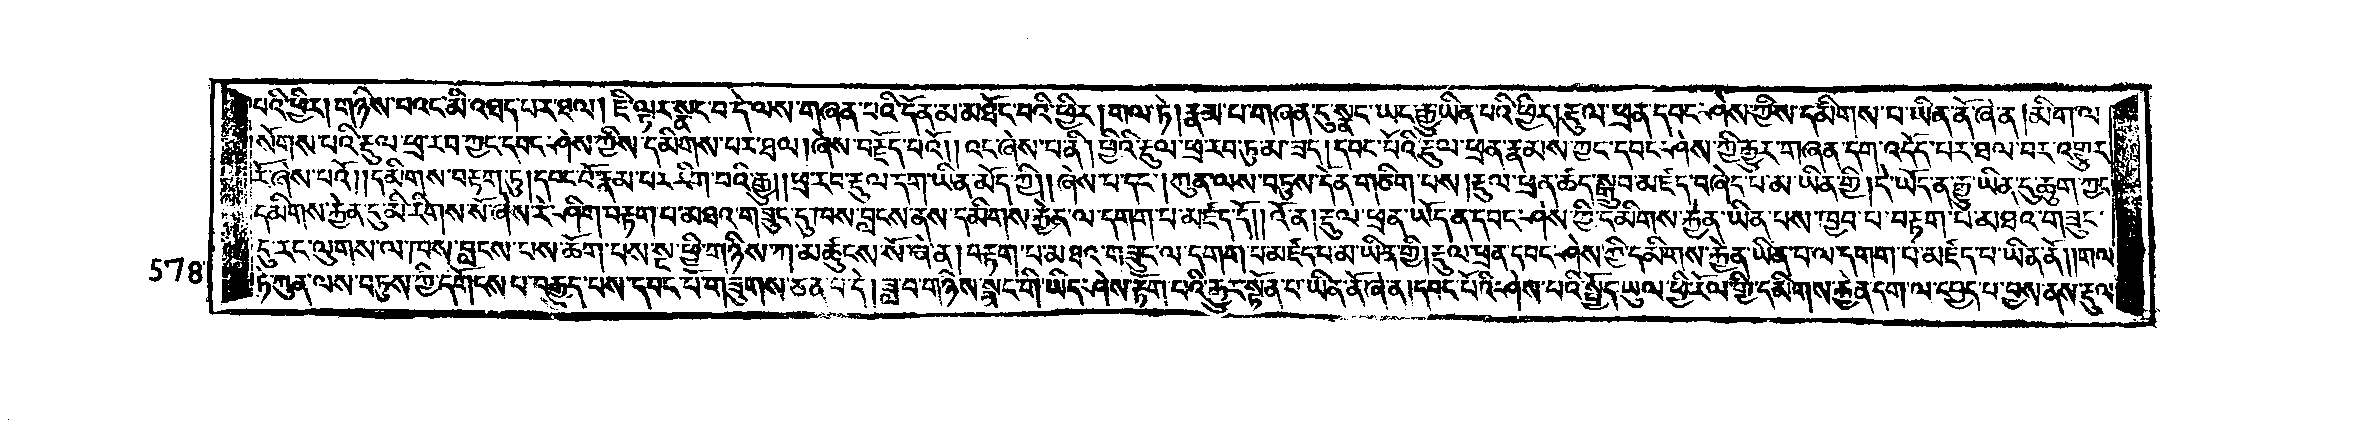པའི་ཕྱིར། གཉིས་པའང་མི་འཐད་པར་ཐལ། ཇི་ལྟར་སྣང་བ་དེ་ལས་གཞན་པའི་དོན་མ་མཐོང་བའི་ཕྱིར། གལ་ཏེ། རྣམ་པ་གཞན་དུ་སྣང་ཡང་རྒྱུ་ཡིན་པའི་ཕྱིར། རྡུལ་ཕྲན་དབང་ཤེས་ཀྱིས་དམིགས་པ་ཡིན་ནོ་ཞེ་ན། མིག་ལ་
སོགས་པའི་རྡུལ་ཕྲ་རབ་ཀྱང་དབང་ཤེས་ཀྱིས་དམིགས་པར་ཐལ། ཞེས་བརྗོད་པའོ། །འང་ཞེས་པ་ནི། ཕྱིའི་རྡུལ་ཕྲ་རབ་ཏུ་མ་ཟད། དབང་པོའི་རྡུལ་ཕྲན་རྣམས་ཀྱང་དབང་ཤེས་ཀྱི་རྒྱུར་གཞན་དག་འདོད་པར་ཐལ་བར་འགྱུར་
རོ་ཞེས་པའོ། །དམིགས་བརྟག་ཏུ། དབང་པོ་རྣམ་པར་རིག་པའི་རྒྱུ། །ཕྲ་རབ་རྡུལ་དག་ཡིན་མོད་ཀྱི། །ཞེས་པ་དང་། ཀུན་ལས་བཏུས་དོན་གཅིག་པས། རྡུལ་ཕྲན་ཚད་སྒྲུབ་མཛད་བཞེད་པ་མ་ཡིན་གྱི། དེ་ཡོད་ན་རྒྱུ་ཡིན་དུ་ཆུག་ཀྱང་
དམིགས་རྐྱེན་དུ་མི་རིགས་སོ་ཞེས་རེ་ཤིག་བརྟག་པ་མཐའ་གཟུང་དུ་ཁས་བླངས་ནས་དམིགས་རྐྱེན་ལ་དགག་པ་མཛད་དོ། །འོ་ན། རྡུལ་ཕྲན་ཡོད་ན་དབང་ཤེས་ཀྱི་དམིགས་རྐྱེན་ཡིན་པས་ཁྱབ་པ་བརྟག་པ་མཐའ་གཟུང་
དུ་རང་ལུགས་ལ་ཁས་བླངས་པས་ཆོག་པས་སྔ་ཕྱི་གཉིས་ཀ་མཚུངས་སོ་ཞེ་ན། བརྟག་པ་མཐའ་གཟུང་ལ་དགག་པ་མཛད་པ་མ་ཡིན་གྱི། རྡུལ་ཕྲན་དབང་ཤེས་ཀྱི་དམིགས་རྐྱེན་ཡིན་པ་ལ་དགག་པ་མཛད་པ་ཡིན་ནོ། །གལ་
ཏེ་ཀུན་ལས་བཏུས་ཀྱི་དགོངས་པ་བརྒྱུད་པས་དབང་པོ་གཟུགས་ཅན་པ་དེ། ཟླ་བ་གཉིས་སྣང་གི་ཡིད་ཤེས་རྟོག་པའི་རྒྱུར་སྟོན་པ་ཡིན་ནོ་ཞེ་ན། དབང་པོའི་ཤེས་པའི་སྤྱོད་ཡུལ་ཕྱི་རོལ་གྱི་དམིགས་རྐྱེན་དག་ལ་དཔྱད་པ་བྱས་ནས་རྡུལ་